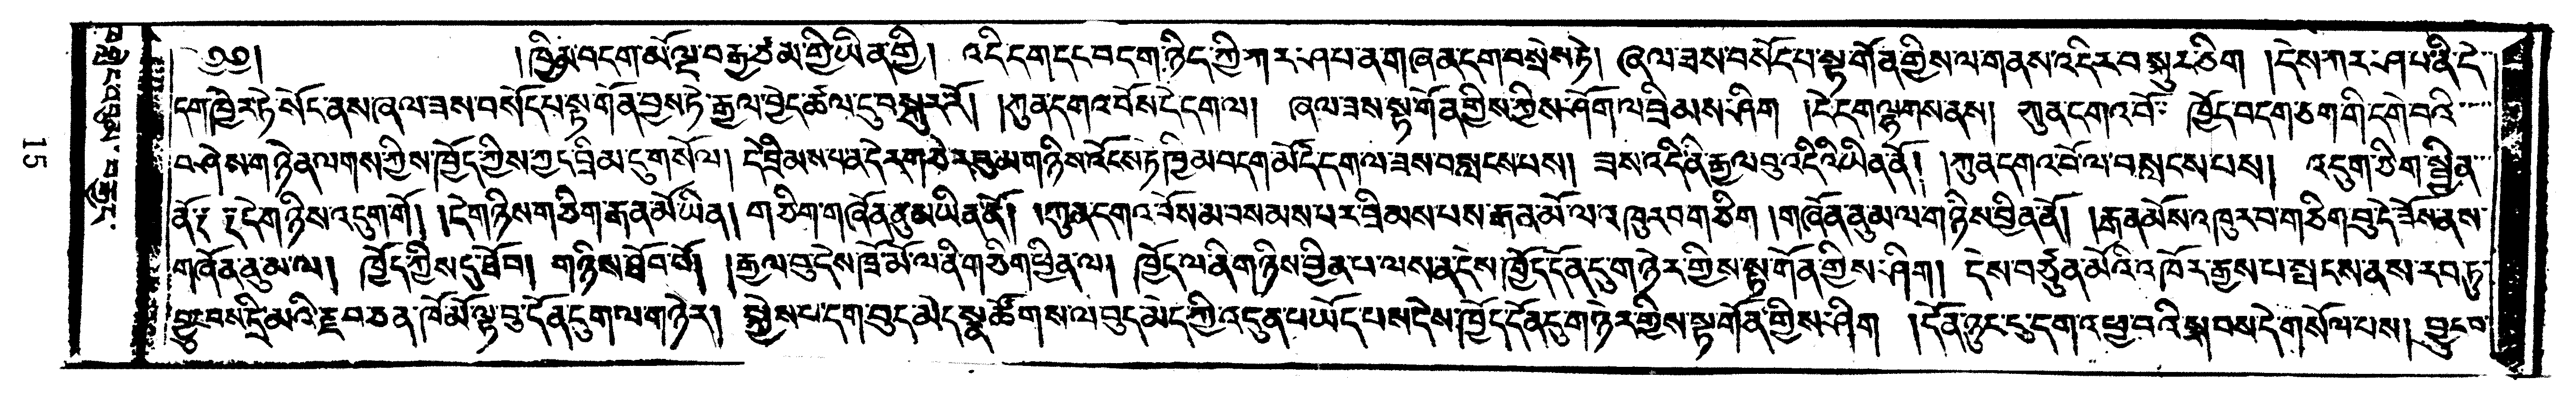༄༅། །ཁྱིམ་བདག་མོ་ལྔ་བརྒྱ་ཙམ་གྱི་ཡིན་གྱི། འདི་དག་དང་བདག་ཉིད་ཀྱི་ཀར་ཤ་པ་ན་གཞན་དག་བསྲེས་ཏེ། ཞལ་ཟས་བསོད་པ་སྟ་གོན་གྱིས་ལ་གནས་འདིར་བསྐུར་ཅིག །དེས་ཀར་ཤ་པ་ནི་དེ་
དག་ཁྱེར་ཏེ་སོང་ནས་ཞལ་ཟས་བསོད་པ་སྟ་གོན་བྱས་ཏེ་རྒྱལ་བྱེད་ཚལ་དུ་བསྐུར་རོ། །ཀུན་དགའ་བོས་དེ་དག་ལ། ཞལ་ཟས་སྟ་གོན་གྱིས་ཀྱིས་ཤོག་ལ་བྲིམས་ཤིག །དེ་དག་ལྷགས་ནས། ཀུན་དགའ་བོ་ཁྱོད་བདག་ཅག་གི་དགེ་བའི་
བཤེས་གཉེན་ལགས་ཀྱིས་ཁྱོད་ཀྱིས་ཀྱང་བྲིམ་དུ་གསོལ། དེ་བྲིམས་པ་ན་དེར་གཅེར་བུ་མ་གཉིས་འོངས་ཏེ་ཁྱིམ་བདག་མོ་དེ་དག་ལ་ཟས་བསླངས་པས། ཟས་འདི་ནི་རྒྱལ་བུ་འདིའི་ཡིན་ནོ། །ཀུན་དགའ་བོ་ལ་བསླངས་པས། འདུག་ཅིག་སྦྱིན་
ནོ༑ ༑དེ་གཉིས་འདུག་གོ། །དེ་གཉིས་གཅིག་རྒན་མོ་ཡིན། གཅིག་གཞོན་ནུ་མ་ཡིན་ནོ། །ཀུན་དགའ་བོས་མ་བསམས་པར་བྲིམས་པས་རྒན་མོ་ལ་འཁུར་བ་གཅིག །གཞོན་ནུ་མ་ལ་གཉིས་བྱིན་ནོ། །རྒན་མོས་འཁུར་བ་གཅིག་བུ་དེ་ཟོས་ནས་
གཞོན་ནུ་མ་ལ། ཁྱོད་ཀྱིས་དུ་ཐོབ། གཉིས་ཐོབ་བོ། །རྒྱལ་བུ་དེས་ཁྲོ་མོ་ལ་ནི་གཅིག་ཕྱིན་ལ། ཁྱོད་ལ་ནི་གཉིས་བྱིན་པ་ལས་ན་དེས་ཁྱོད་དོན་དུ་གཉེར་གྱིས་སྟ་གོན་གྱིས་ཤིག། དེས་བཙུན་མོའི་འཁོར་རྒྱས་པ་སྤངས་ནས་རབ་ཏུ་
བྱུང་བས་དྲི་མའི་རྫབ་ཅན་ཁོ་མོ་ལྟ་བུ་དོན་དུག་ལ་གཉེར། སྐྱེས་པ་དག་བུད་མེད་སྣ་ཚོགས་ལ་བུད་མེད་ཀྱི་འདུན་པ་ཡོད་པས་དེས་ཁྱོད་དོན་དུ་གཉེར་གྱིས་སྟ་གོན་གྱིས་ཤིག །དོན་ཉུང་དུ་དག་འཕྱ་བའི་སྐབས་དེ་གསོལ་པས། བྱུང་བ་